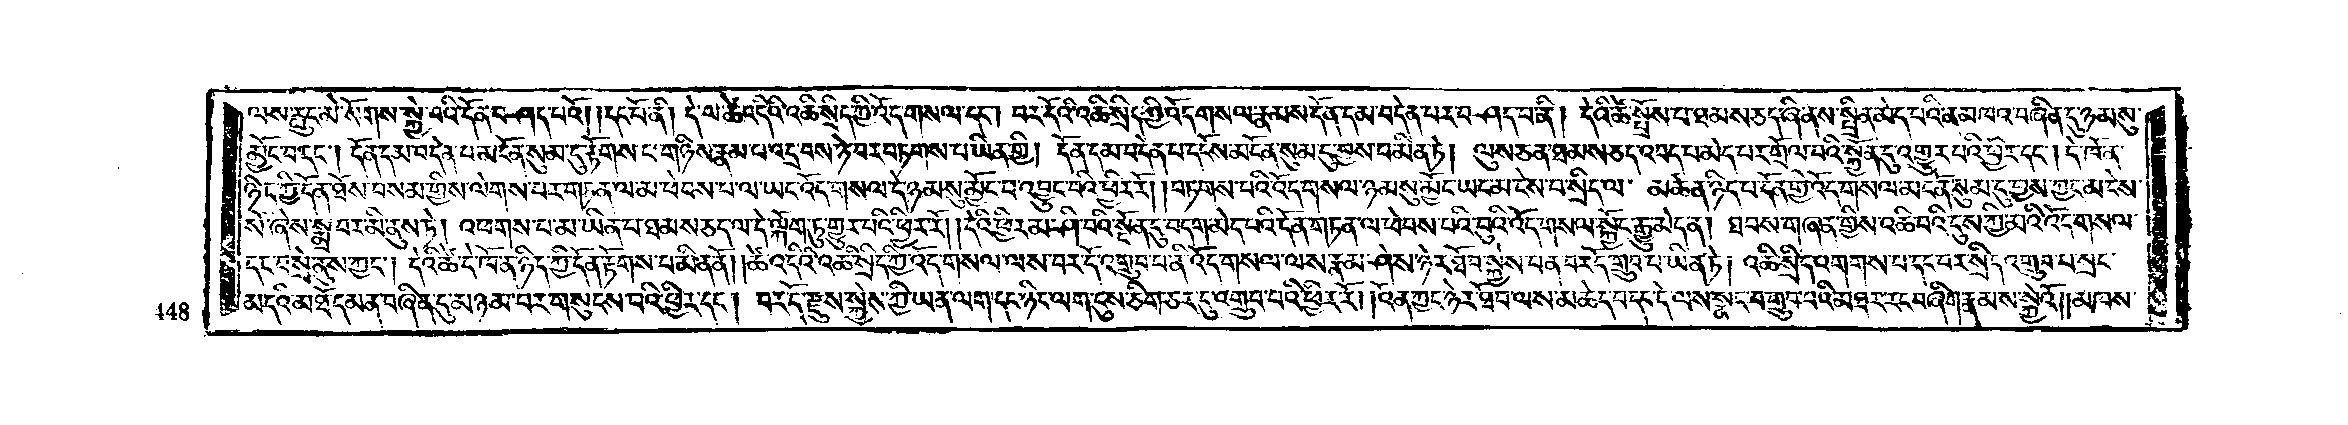ལས་རླུང་མེ་སོགས་སྐྱེ་བའི་དོན་བཤད་པའོ། །དང་པོ་ནི། དེ་ལ་ཚེ་འདིའི་འཆི་སྲིད་ཀྱི་འོད་གསལ་དང་། བར་དོའི་འཆི་སྲིད་ཀྱི་འོད་གསལ་རྣམས་དོན་དམ་བདེན་པར་བཤད་པ་ནི། དེའི་ཚེ་སྤྲོས་པ་ཐམས་ཅད་ཞི་ནས་སྤྲིན་མེད་པའི་ནམ་མཁའ་བཞིན་དུ་ཉམས་སུ་
མྱོང་བ་དང་། དོན་དམ་བདེན་པ་མངོན་སུམ་དུ་རྟོགས་པ་གཉིས་རྣམ་པ་འདྲ་བས་ཉེ་བར་བཏགས་པ་ཡིན་གྱི། དོན་དམ་བདེན་པ་དངོས་དངོན་སུམ་དུ་བྱས་པ་མིན་ཏེ། ལུས་ཅན་ཐམས་ཅད་འབད་པ་མེད་པར་གྲོལ་བའི་སྐྱོན་དུ་འགྱུར་བའི་ཕྱིར་དང་། དེ་ཁོ་ན་
ཉིད་ཀྱི་དོན་ཐོས་བསམ་གྱིས་ལེགས་པར་གཏན་ལ་མ་ཕེབས་པ་ལ་ཡང་འོད་གསལ་དེ་ཉམས་སུ་མྱོང་བ་འབྱུང་བའི་ཕྱིར་རོ། །བཏགས་པའི་འོད་གསལ་ཉམས་སུ་མྱོང་ཡང་མ་ངེས་པ་སྲིད་ལ་མཚན་ཉིད་པ་དོན་གྱི་འོད་གསལ་མངོན་སུམ་དུ་བྱས་ཀྱང་མ་ངེས་
སོ་ཞེས་སྨྲ་བར་མི་ནུས་ཏེ། འཕགས་པ་མ་ཡིན་པ་ཐམས་ཅད་ལ་དེ་ལྐོག་ཏུ་གྱུར་པའི་ཕྱིར་རོ། །དེའི་ཕྱིར་མ་ཤི་བའི་སྔོན་དུ་བདག་མེད་པའི་དོན་གཏན་ལ་ཕེབས་པའི་བུའི་འོད་གསལ་སྐྱོང་རྒྱུ་མེད་ན། ཐབས་གཞན་གྱིས་འཆི་བའི་དུས་ཀྱི་མའི་འོད་གསལ་
དང་བསྲེ་ནུས་ཀྱང་། དེའི་ཚེ་དེ་ཁོ་ན་ཉིད་ཀྱི་དོན་རྟོགས་པ་མིན་ནོ། །ཚེ་འདིའི་འཆི་སྲིད་ཀྱི་འོད་གསལ་ལས་བར་དོ་འགྲུབ་པ་ནི་འོད་གསལ་ལས་རྣམ་ཤེས་ཉེར་ཐོབ་སྐྱེས་པ་ན་བར་དོ་གྲུབ་པ་ཡིན་ཏེ། འཆི་སྲིད་འགགས་པ་དང་བར་སྲིད་འགྲུབ་པ་སྲང་
མདའི་མཐོ་དམན་བཞིན་དུ་མཉམ་པར་གསུངས་པའི་ཕྱིར་དང་། བར་དོ་རྫུས་སྐྱེས་ཀྱི་ཡན་ལག་དང་ཉིད་ལག་དུས་ཅིག་ཅར་དུ་འགྲུབ་པའི་ཕྱིར་རོ། །འོན་ཀྱང་ཉེར་ཐོབ་ལས་མཆེད་པ་དང་དེ་ལས་སྣང་བ་གྲུབ་པའི་མཐར་རང་བཞིན་རྣམས་སྐྱེའོ། །མཁས་